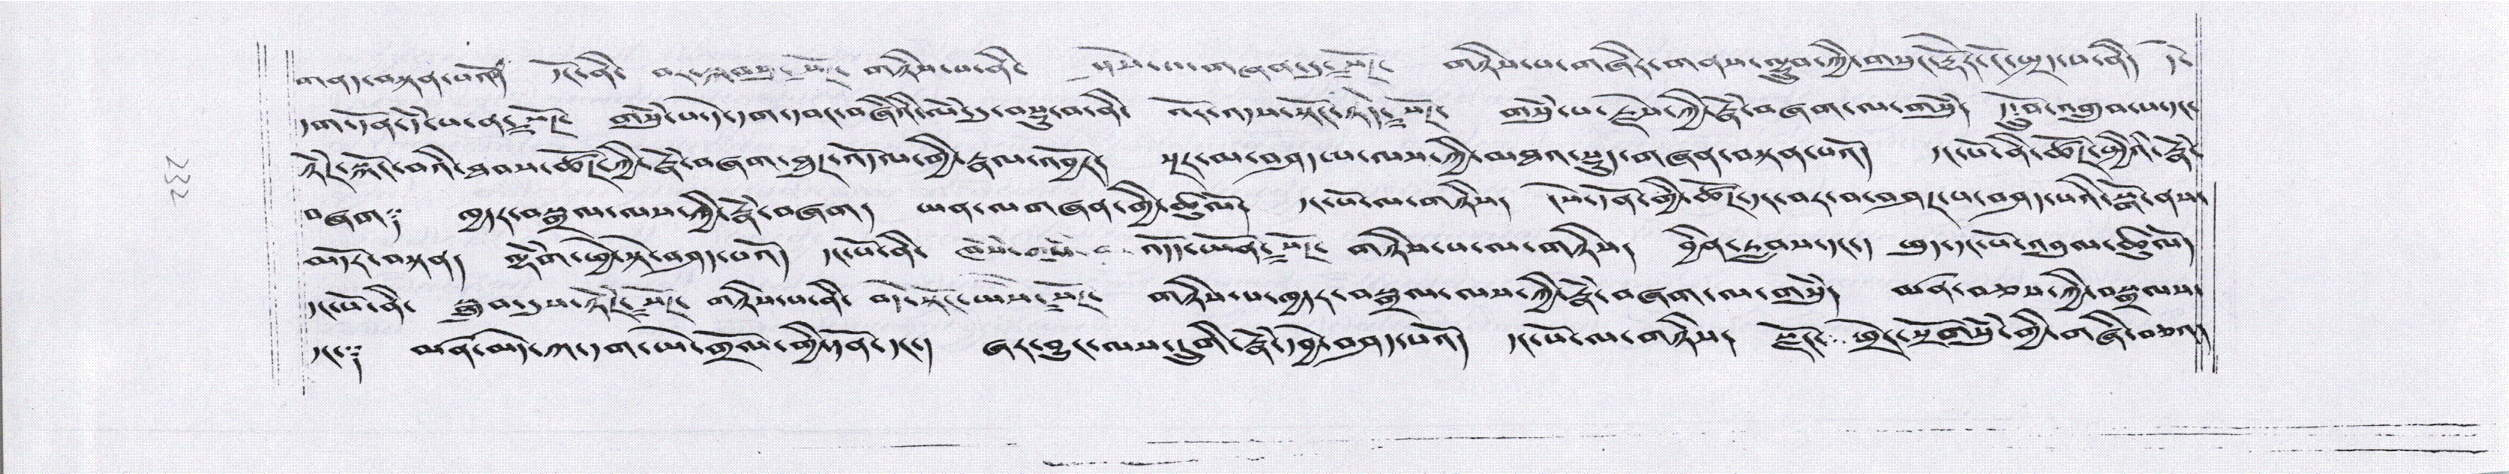གནད་བསྟན་པའོ། དང་པོ་ནི། བར་སྐབས་སུ་སོགས་གཉིས་པ་ནི། ཤེས་པ་གཞན་དུ་སོགས། གཉིས་པ་གཞིར་གནས་ལྷུན་གྲུབ་ཀྱི་གསུང་རྡོར་རྗེ་ངོ་སྤྲད་པ་ནི། དེ་
དག་དོན་དམ་པ་ན་སོགས། གསུམ་པ་དེ་དག་དབང་བཞིའི་ལམ་དུ་བསྡུ་བ་ནི། འཁོར་འདས་སྟོང་ཉིད་སོགས། གསུམ་པ་རྗེས་ཀྱི་རྣམ་བཞག་ལ་གསུམ། དངོས་གྲུབ་པ་དང་
ཉམས་ཆགས་སྐོང་བའི་ཐབས་ཚོགས་ཀྱི་རྣམ་བཞག་ཐུགས་འདོལ་གྱི་རྣལ་འབྱོར། སྔར་མ་བཤད་པ་ལས་ཀྱི་མཐའ་སྡུད་གཞན་བསྟན་པའོ། དང་པོ་ནི་ཚོགས་སྤྱིའི་རྣམ་
བཞག། ཁྱད་པར་བསྒྲལ་ལས་ཀྱི་རྣམ་བཞག ཡན་ལག་གཞན་གྱི་ཚུལ་ལོ། དང་པོ་ལ་གཉིས། ངེས་དོན་གྱི་ཚོགས་དང་བར་བ་བཤགས་པ་བཤད་པའི་སྒོ་ནས་
མདོར་བསྟན། ལྷག་མ་ཕྱེ་སྟེ་བཤད་པའོ། དང་པོ་ནི། ཁམས་གསུམ་གྱི་འདོད་ཡོན་སོགས། གཉིས་པ་ལ་གཉིས། བྱིན་རླབས་དང། ཕུད་དང་པོ་འབུལ་ཚུལ་ལོ། 
དང་པོ་ནི། སྒྲུབ་དུས་ཉམས་ཆགས་སོགས། གཉིས་པ་ནི། བདེ་སྟོང་ཡེ་ཤེས་སོགས། གཉིས་པ་ཁྱད་པར་བསྒྲལ་ལས་ཀྱི་རྣམ་བཞག་ལ་གསུམ། མཚན་བཅས་ཀྱི་བསྒྲལ་ལས་
དང། མཚན་མེད་ཀ་དག་ཡེ་གྲོལ་གྱི་དོན་དང། ཞར་བྱུང་ལས་དྲུག་གི་རྣམ་དབྱེ་བཤད་པའོ། དང་པོ་ལ་གཉིས། རྫོང་ཕྲེང་སྲོག་གསུམ་གྱི་གཞི་བཅའ།